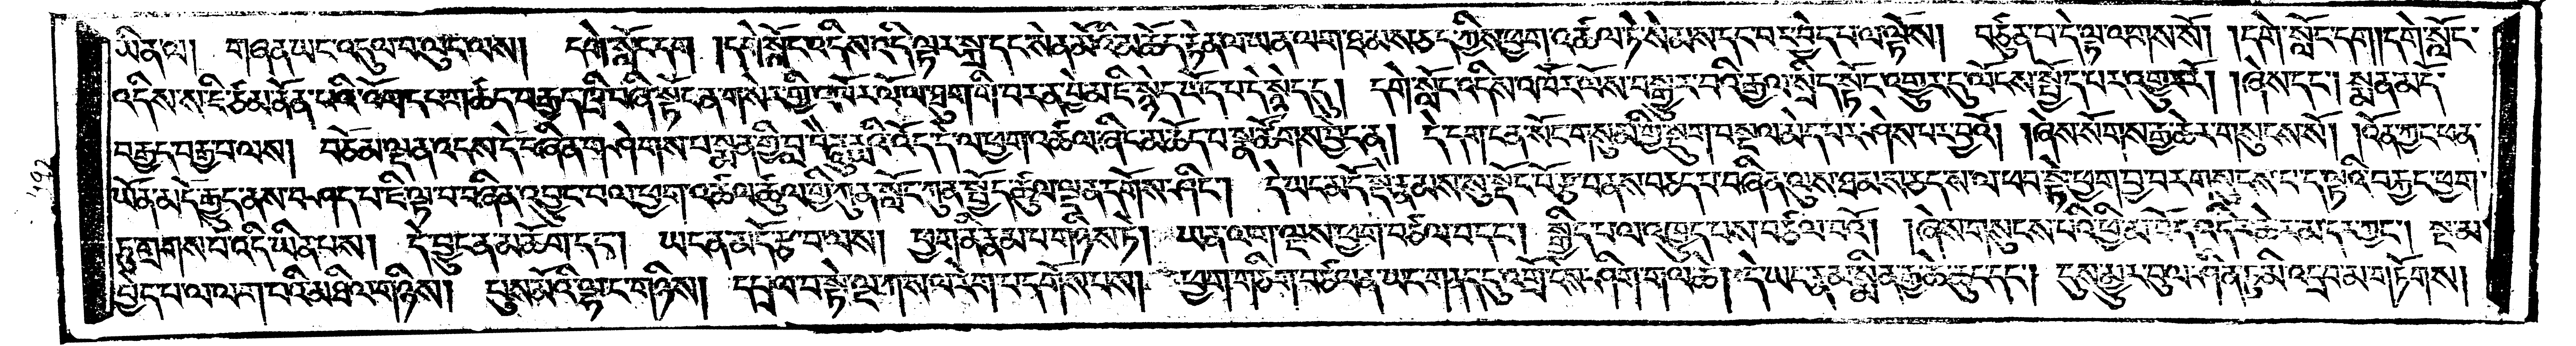མིན་ལ། གཞན་ཡང་འདུལ་བ་ལུང་ལས། དགེ་སློང་དག །དགེ་སློང་འདིས་འདི་ལྟར་སྐྲ་དང་སེན་མོའི་མཆོད་རྟེན་ལ་ཡན་ལག་ཐམས་ཅད་ཀྱིས་ཕྱག་འཚལ་ཏེ་སེམས་དང་བར་བྱེད་པ་ལ་ལྟོས། བཙུན་པ་དེ་ལྟ་ལགས་སོ། །དགེ་སློང་དག །དགེ་སློང་
འདིས་ས་ཇི་ཙམ་ནོན་པའི་འོད་དཔག་ཚད་བརྒྱད་ཁྲི་བཞི་སྟོང་ན་གསེར་གྱི་འཁོར་ལོ་ལ་ཐུག་གི་བར་ན་བྱེ་མ་ཇི་སྙེད་ཡོད་བ་དེ་སྙེད་དུ། དགེ་སློང་འདིས་འཁོར་ལོས་བསྒྱུར་བའི་རྒྱལ་སྲིད་སྟོང་འགྱུར་དུ་ལོངས་སྤྱོད་པར་འགྱུར་རོ། །ཞེས་དང་། སྨན་མདོ་
བརྒྱད་བརྒྱ་པ་ལས། བཅོམ་ལྡན་འདས་དེ་བཞིན་གཤེགས་བ་སྨན་གྱི་བླ་བཻཌཱུརྱའི་འོད་དེ་ལ་ཕྱག་འཚལ་ཞིང་མཆོད་བ་སྣ་ཚོགས་བྱེད་ན། དེ་དག་ངན་སོང་གསུམ་གྱི་སྡུག་བསྔལ་མེད་པར་ཤེས་པར་བྱའོ། །ཞེས་སོགས་རྒྱ་ཆེར་གསུངས་སོ། །འོན་ཀྱང་ཕན་
ཡོན་མདོ་རྒྱུད་ནས་བཤད་པ་ཇི་ལྟ་བ་བཞིན་འབྱུང་བ་ལ་ཕྱག་འཚལ་ཚུལ་གྱི་ཀུན་སློང་ཀུན་སྤྱོད་ཚུལ་ལྡན་དགོས་ཤིང་། དེ་ཡང་མདོ་སྡེ་རྣམས་སུ་སྡོང་པོ་རྩ་བ་ནས་བཅད་པ་བཞིན་ལུས་ཐམས་ཅད་ས་ལ་ཕབ་སྟེ་ཕྱག་བྱ་བར་གསུངས་པ་ད་ལྟའི་བརྐྱང་ཕྱག་
ཏུ་གྲགས་པ་འདི་ཡིན་པས། དེ་བྱུང་ན་མཆོག་དང་། ཡང་ན་མདོ་རྩ་བ་ལས། ཕྱག་ནི་རྣམ་པ་གཉིས་ཏེ། ཡན་ལག་ལྗས་ཕྱག་བཙལ་བ་དང་། སྒྱིད་པ་ལ་འཁྱུད་པས་བཙལ་བའོ། །ཞེས་གསུངས་པའི་ཕྱི་མ་བོད་འདིར་ཆེར་མདར་ཀྱང་། སྔ་མ་
བྱེད་པ་ལ་ལག་བའི་མཐིལ་གཉིས། པུས་མོའི་ལྷང་གཉིས། དཔྲལ་བ་སྟེ་ལྔ་ཀ་ས་ལ་རེག་པ་དགོས་པས། ཕྱག་གཅིག་བཙལ་ན་ཡང་གནད་དུ་འགྲོ་ངེས་ཤིག་གལ་ཆེ། དེ་ཡང་རྣམ་སྨིན་རྒྱ་ཆེ་ཆུང་དང་། དུས་མྱུར་བུལ་ཤིན་ཏུ་མི་འདྲབ་མ་གཏོགས།